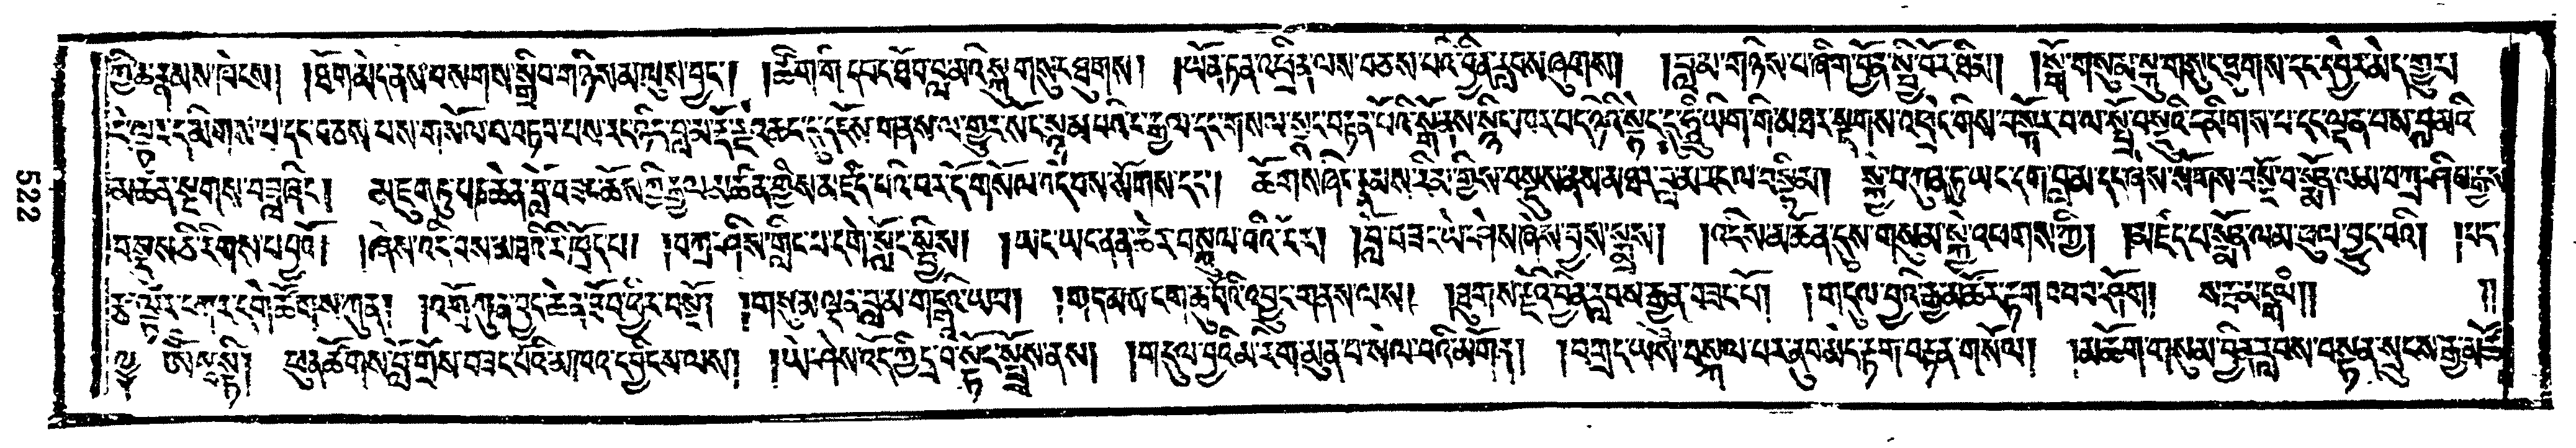ཀྱི་ཆ་རྣམས་ཁེངས། །ཐོག་མེད་ནས་བསགས་སྒྲིབ་གཉིས་མ་ལུས་བྱང་། །ཚིག་གི་དབང་ཐོབ་བླ་མའི་སྐུ་གསུང་ཐུགས། །ཡོན་ཏན་འཕྲིན་ལས་བཅས་པའི་བྱིན་རླབས་ཞུགས། །བླ་མ་གཉིས་པ་ཞིག་བྱོན་སྤྱི་བོར་ཐིམ། །སྒོ་གསུམ་སྐུ་གསུང་ཐུགས་དང་དབྱེར་མེད་གྱུར།
དེ་ལྟར་དམིགས་པ་དང་བཅས་པས་གསོལ་བ་བཏབ་པས་རང་ཉིད་བླ་མ་རྡོ་རྗེ་འཆང་དུ་དངོས་གནས་ལ་གྱུར་སོང་སྙམ་པའི་ང་རྒྱལ་དང་གསལ་སྣང་བརྟན་པོའི་སྒོ་ནས་སྙིང་ཁར་པད་ཉིའི་སྟེང་དུ་ཧཱུཾ་ཡིག་གི་མཐར་སྔགས་འཕྲེང་གིས་བསྐོར་བ་ལ་སྤྲོ་བསྡུའི་དམིགས་པ་དང་ལྡན་པས་བླ་མའི་
མཚན་སྔགས་བཟླ་ཞིང་། མཇུག་ཏུ་པཎ་ཆེན་བློ་བཟང་ཆོས་ཀྱི་རྒྱལ་མཚན་གྱིས་མཛད་པའི་བར་དོ་གསོལ་འདེབས་སོགས་དང་། ཆོགས་ཞིང་རྣམས་རིམ་གྱིས་བསྡུས་ནས་མཐར་བླ་མ་རང་ལ་བསྟིམ། སྐྱེ་བ་ཀུན་ཏུ་ཡང་དག་བླ་མ་དང་ཞེས་སོགས་བསྔོ་བ་སྨོན་ལམ་བཀྲ་ཤིས་རྒྱས་
བསྡུས་ཅི་རིགས་པ་བྱའོ། །ཞེས་འདི་བས་མཐའི་རི་ཁྲོད་པ། །བཀྲ་ཤིས་གླིང་པ་དགེ་སློང་སྤྱིས། །ཡང་ཡང་ནན་ཆེར་བསྐུལ་བའི་ངོར། །བློ་བཟང་ཡེ་ཤེས་ཞེས་བྱས་སྨྲས། །འདིས་མཚོན་དུས་གསུམ་སྐྱེ་འཕགས་ཀྱི། །མཛད་པ་སྨོན་ལམ་ཕུལ་བྱུང་བའི། །པད་
རྩ་ལྟར་དཀར་དགེ་ཚོགས་ཀུན། །འགྲོ་ཀུན་བྱང་ཆེན་ཐོབ་ཕྱིར་བསྔོ། །གསུམ་ལྡན་བླ་མ་གངྒཱའི་ཡབ། །གདམས་ངག་ཆུ་བོའི་འབྱུང་གནས་ལས། །ཐུགས་རྗེའི་བྱིན་རླབས་རྒྱན་བཟང་པོ། །གདུལ་བྱའི་རྒྱ་མཚོར་རྟག་འབབ་ཤོག། སརྦ་མངྒལཾ།། །།
༈ ཨོཾ་སྭསྟི། ཕུན་ཚོགས་བློ་གྲོས་བཟང་པོའི་མཁའ་དབྱིངས་ལས། །ཡེ་ཤེས་འོད་ཀྱི་དྲ་བ་སྟོང་སྤྲོས་ནས། །གདུལ་བྱའི་མ་རིག་མུན་པ་སེལ་བའི་མགོན། །བགྲང་ཡས་བསྐལ་པར་ནུབ་མེད་རྟག་བརྟན་གསོལ། །མཆོག་གསུམ་བྱིན་རླབས་བསྟན་སྲུངས་རྒྱ་མཚོ་